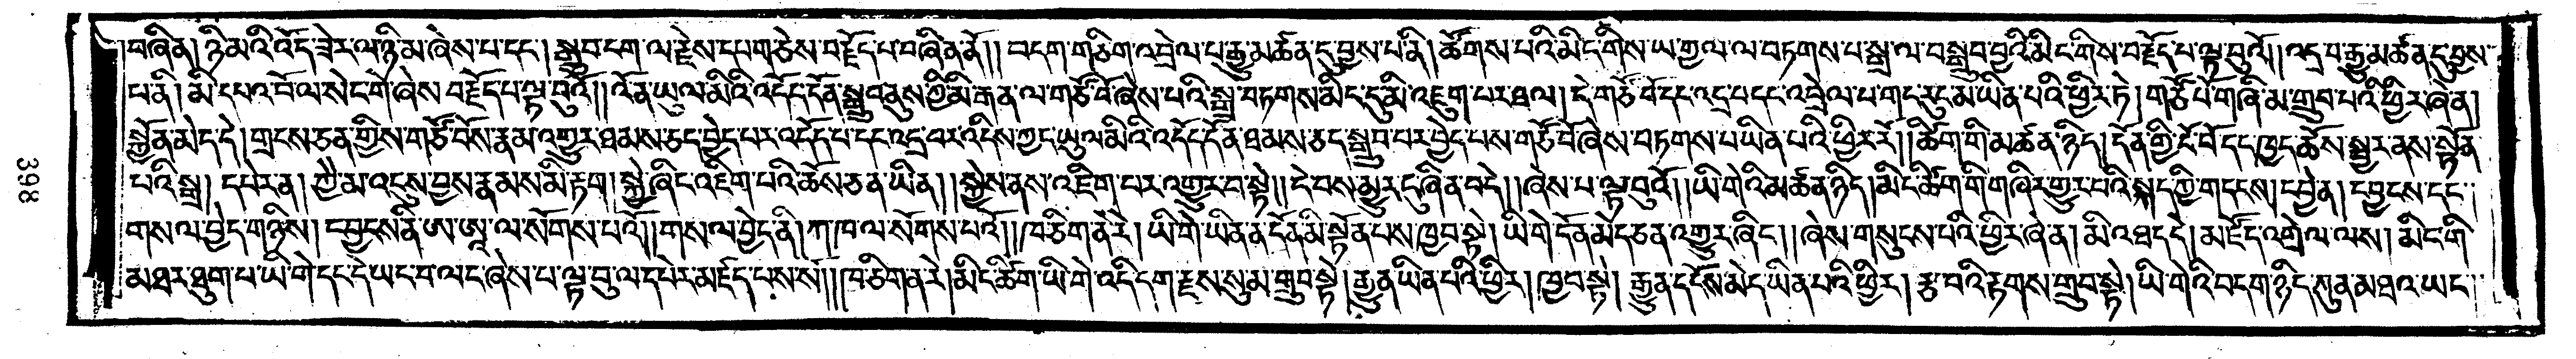བཞིན། ཉི་མའི་འོད་ཟེར་ལ་ཉི་མ་ཞེས་པ་དང་། སྒྲུབ་ངག་ལ་རྗེས་དཔག་ཅེས་བརྗོད་པ་བཞིན་ནོ། །བདག་གཅིག་འབྲེལ་པ་རྒྱུ་མཚན་དུ་བྱས་པ་ནི། ཚོགས་པའི་མིང་གིས་ལ་གྱལ་ལ་བཏགས་པ་སྒྲ་ལ་བསྒྲུབ་བྱའི་མིང་གིས་བརྗོད་པ་ལྟ་བུའོ། །འདྲ་བ་རྒྱུ་མཚན་དུ་བྱས་
པ་ནི། མི་དཔའ་བོ་ལ་སེང་གེ་ཞེས་བརྗོད་པ་ལྟ་བུའོ། །འོ་ན་ཡུལ་མིའི་འདོད་དོན་སྒྲུབ་ནུས་ཀྱི་མི་རྒན་ལ་གཙོ་བོ་ཞེས་པའི་སྒྲ་བཏགས་མིང་དུ་མི་འཇུག་པར་ཐལ། དེ་གཙོ་བོ་དང་འདྲ་བ་དང་འབྲེལ་པ་གང་རུང་མ་ཡིན་པའི་ཕྱིར་ཏེ། གཙོ་བོ་གཞི་མ་གྲུབ་པའི་ཕྱིར་ཞེ་ན།
སྐྱོན་མེད་དེ། གྲངས་ཅན་གྱིས་གཙོ་བོས་རྣམ་འགྱུར་ཐམས་ཅད་བྱེད་པར་འདོད་པ་དང་འདྲ་བར་འདིས་ཀྱང་ཡུལ་མིའི་འདོད་དོན་ཐམས་ཅད་སྒྲུབ་པར་བྱེད་པས་གཙོ་བོ་ཞེས་བཏགས་པ་ཡིན་པའི་ཕྱིར་རོ། །ཚིག་གི་མཚན་ཉིད། དོན་གྱི་ངོ་བོ་དང་ཁྱད་ཆོས་སྦྱར་ནས་སྟོན་
པའི་སྒྲ། དཔེར་ན། ཀྱེ་མ་འདུས་བྱས་རྣམས་མི་རྟག །སྐྱེ་ཞིང་འཇིག་པའི་ཆོས་ཅན་ཡིན། །སྐྱེས་ནས་འཇིག་པར་འགྱུར་བ་སྟེ། །དེ་བས་མྱུར་དུ་ཞི་ན་བདེ། །ཞེས་པ་ལྟ་བུའོ། །ཡི་གེའི་མཚན་ཉིད། མིང་ཚིག་གི་གཞིར་གྱུར་པའི་སྐད་ཀྱི་གདངས། དབྱེ་ན། དབྱངས་དང་།
གསལ་བྱེད་གཉིས། དབྱངས་ནི་ཨ་ཨཱ་ལ་སོགས་པའོ། །གསལ་བྱེད་ནི། ཀ་ཁ་ལ་སོགས་པའོ། །ཁ་ཅིག་ན་རེ། ཡི་གེ་ཡིན་ན་དོན་མི་སྟོན་པས་ཁྱབ་སྟེ། ཡི་གེ་དོན་མེད་ཅན་འགྱུར་ཞིང་། །ཞེས་གསུངས་པའི་ཕྱིར་ཞེ་ན། མི་འཐད་དེ། མཛོད་འགྲེལ་ལས། མིང་གི་
མཐར་ཐུག་པ་ཡི་གེ་དང་དེ་ཡང་བ་ལང་ཞེས་པ་ལྟ་བུ་ལ་དཔེར་མཛད་པས་སོ། །ཁ་ཅིག་ན་རེ། མིང་ཚིག་ཡི་གེ་འདི་དག་རྫས་སུ་མ་གྲུབ་སྟེ། རྒྱུན་ཡིན་པའི་ཕྱིར། ཁྱབ་སྟེ། རྒྱུན་དངོས་མེད་ཡིན་པའི་ཕྱིར། རྩ་བའི་རྟགས་གྲུབ་སྟེ། ཡི་གེའི་བདག་ཉིད་ཀུན་མཐའ་ཡང་། །